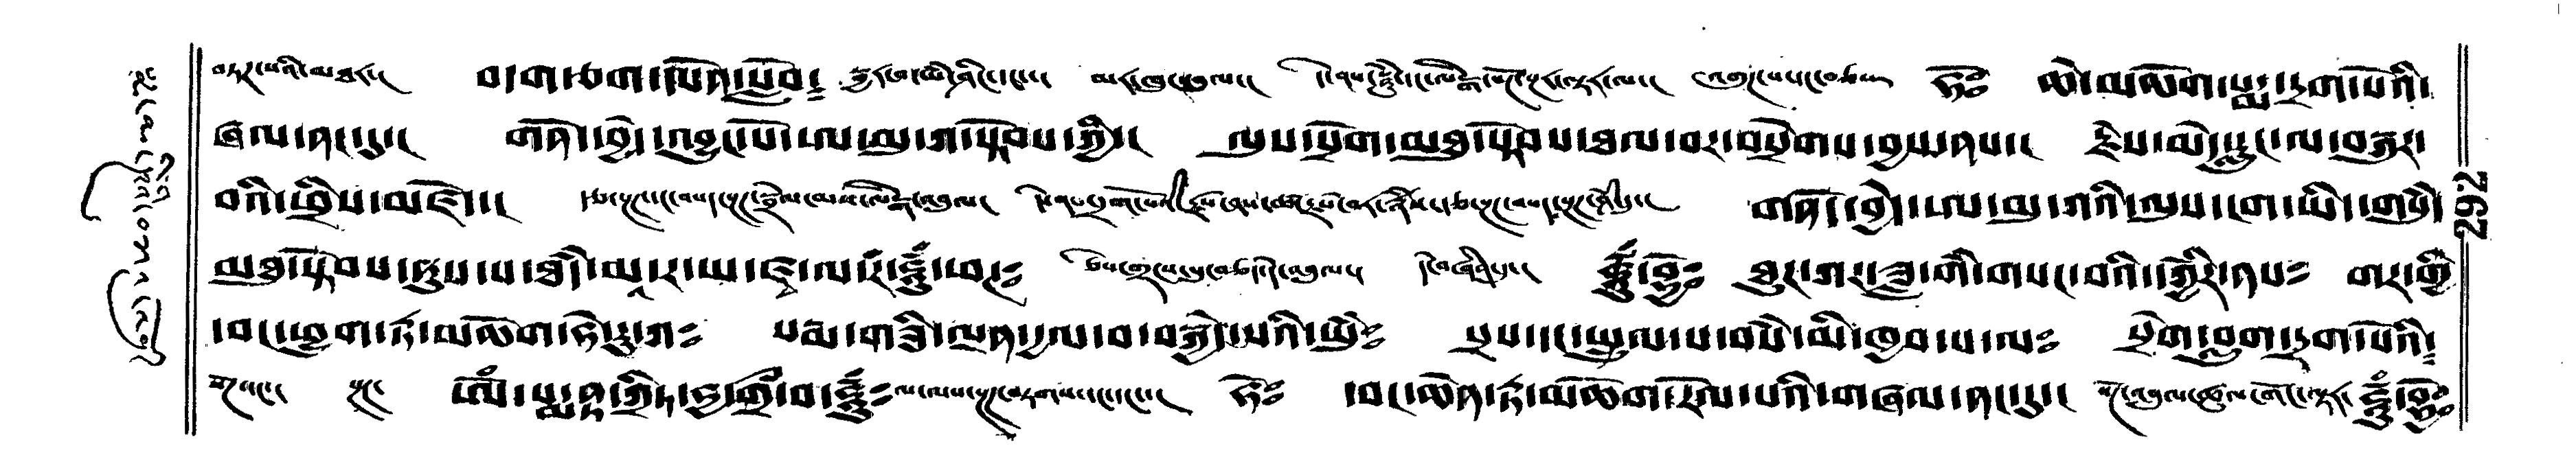བཏགས་པའི་མཐར། བདག་ཅག་དཔོན་སློབ༴ སྦྱར་བས་ཡམས་ཤིང་དང་མར་ཁུ་འབུལ། དེ་ནས་སྣུམ་དང་ལིངྒ་སོགས་སྔར་ལྟར་ལ། འགུགས་པ་དང་བཅས། ཧོཿ ཆེ་མཆོག་པདྨ་དྲག་པོའི་
ཞལ་ནང་དུ༔ གནོད་བྱེད་འབྱུང་པོ་ཨ་མུ་ཀ་སྟོབས་ཀྱི༔ ལུས་སྲོག་མཐུ་སྟོབས་ཐལ་བར་བསྲེགས་བྱས་ནས༔ རྗེས་མེད་རླུང་ལ་བསྐུར་
བའི་ཕྲིན་ལས་མཛོད༔ རྩ་སྔགས་དང་བསད་སྔགས་སྦྲེལ་མས་ལིངྒ་འབུལ། དེ་ནས་དྲག་པོའི་རྫས་ནས་ཚ་རྫས་བར་རྣམས་རྩ་སྔགས་བསད་སྔགས་གཤམ་དུ། གནོད་བྱེད་ཨ་མུ་ཀའི་ལུས་ངག་ཡིད་གསུམ་
མཐུ་སྟོབས་ནུས་པ་ཐམས་ཅད་མཱ་ར་ཡ་ཛྭ་ལ་རཾ་ཧཱུྃ་ཕཊ༔ ཅེས་གྲངས་སུ་བཅད་དེ་འབུལ། དེ་བཞིན་དུ། ཧཱུྃ་བྷྱོ༔ ཐུགས་ཀར་ཟླ་གམ་གསང་བའི་དཀྱིལ་འཁོར་ནས༔ གར་གྱི་
དབང་ཕྱུག་རྟ་མཆོག་ཧེ་རུ་ཀ༔ པདྨ་གཟི་ལྡན་རྒྱལ་བ་བསྐྱེད་པའི་ཡུམ༔ སྲས་དང་སྤྲུལ་པ་བསམ་མི་ཁྱབ་པ་ལ༔ སྲེག་བླུག་དྲག་པོའི༴
སོགས་དང་། སྔགས། ཨོཾ་པདྨ་ཀྲིཏ་ཧྱ་གྲྀ་བ་ཧཱུྃཿ ལ་ལས་སྔགས་བཏགས་པ་དང་། ཧོ༔ དབང་ཆེན་རྟ་མཆོག་རོལ་པའི་གཞལ་ནང་དུ༔ སོགས་འབུལ་ཚུལ་གོང་ལྟར། ཧཱུྃ་བྷྱོ༔